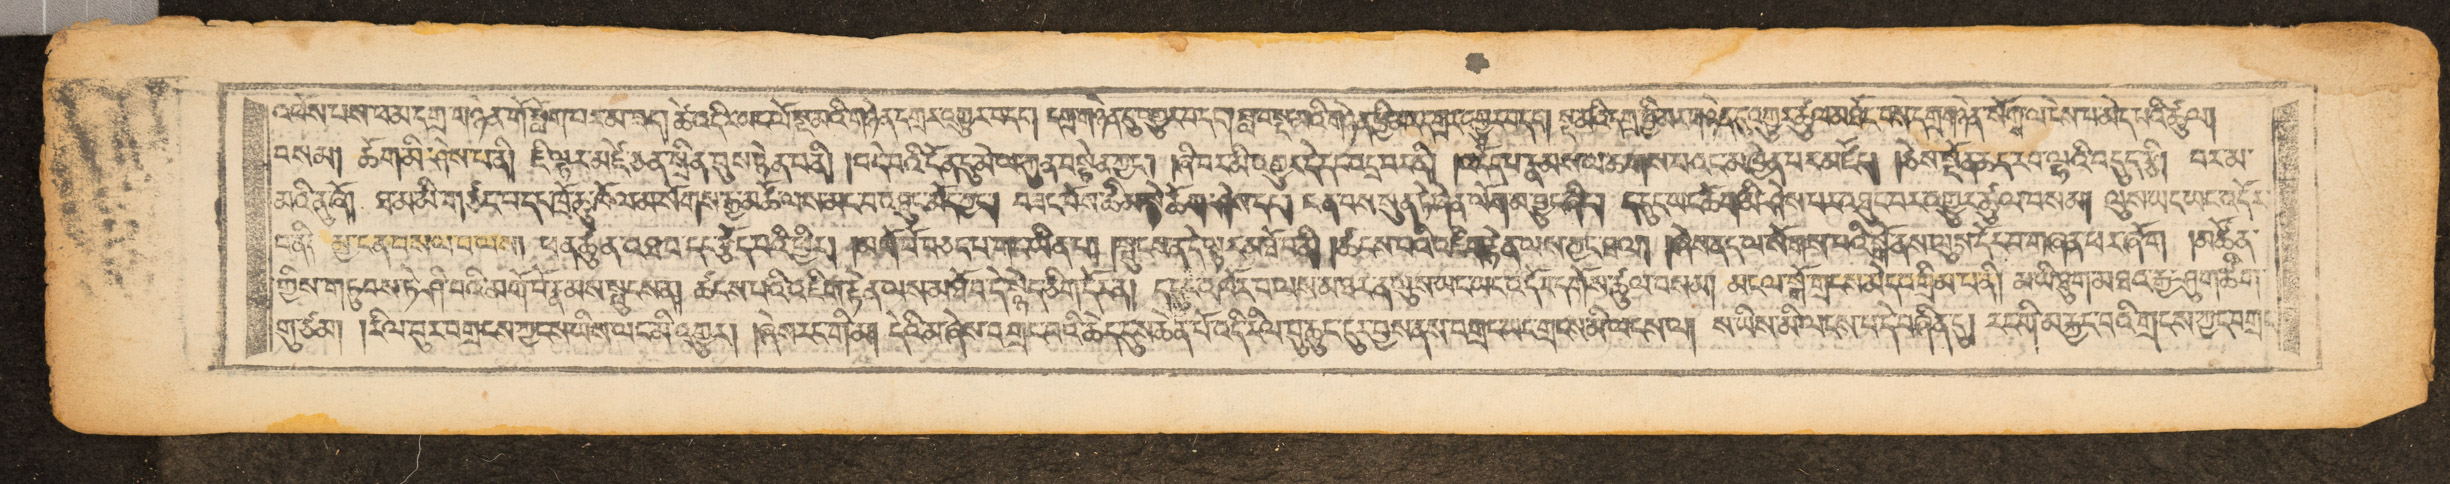འཕོས་པས་ཕ་མ་དགྲ་གཉེན་གོ་ཟློག་པར་མ་ཟད། ཚེ་འདིར་ཡང་ལོ་སྔ་མའི་གཉེན་དགྲར་འགྱུར་བ་དང་། དགྲ་གཉེན་དུ་འགྱུར་བ་དང་། ཟླ་བ་སྔ་མའི་གཉེན་ཕྱི་མར་དགྲར་འགྱུར་བ་དང་། སྔ་མའི་དགྲ་ཕྱི་མར་གཉེན་དུ་འགྱུར་ཚུལ་མཐོང་བས་དགྲ་གཉེན་སོགས་ལ་ངེས་པ་མེད་པའི་ཚུལ།
བསམ། ཆོག་མི་ཤེས་པ་ནི། ཇི་ལྟར་མཛེ་ཅན་སྲིན་བུས་ཉེན་པ་ནི། །བདེ་བའི་དོན་དུ་མེ་ལ་ཀུན་བསྟེན་ཀྱང་། །ཞི་བར་མི་འགྱུར་དེ་དང་འདྲ་བར་ནི། །འདོད་པ་རྣམས་ལ་ཆགས་པའང་མཁྱེན་པར་མཛོད། །ཅེས་སྔོན་ཆད་རབ་ལྷའི་བདུད་རྩི། བར་མ་
མའི་ནུ་ཞོ། ཐ་མ་མི་གཙང་བ་དང་ཁོ་ཆུ་ཁོལ་མ་སོགས་རྒྱ་མཚོ་ལས་མང་བ་འཐུང་མོད་ཀྱང་། བཟང་པོས་ཚིམ་སྟེ་ཆོག་ཤེས་དང་། ངན་པས་སུན་ཏེ་ཞེན་ལོག་མ་བྱུང་ཞིང་། ད་དུང་ཡང་ཆོག་མི་ཤེས་པར་འཐུང་བར་འགྱུར་ཚུལ་བསམ། ལུས་ཡང་ཡང་འདོར་
བ་ནི༑ མྱ་ངན་བསལ་བ་ལས། ཕན་ཚུན་འཐབ་དང་རྩོད་པའི་ཕྱིར། །མགོ་བོ་བཅད་པ་གང་ཡིན་པ། །སྦུངས་ན་དེ་ལྟར་མཐོ་བ་ནི། །ཚངས་པའི་འཇིག་རྟེན་ལས་ཀྱང་ཐལ། །ཞེས་ནད་ལ་སོགས་པའི་སྒོ་ནས་ལུས་དོར་བ་གཞན་ཕར་ཞོག །མཚོན་
གྱིས་གཏུབས་ཏེ་ཤི་བའི་མགོ་བོ་རྣམས་སྤུངས་ན། ཚངས་པའི་འཇིག་རྟེན་ལས་མཐོ་བ་དེ་སྙེད་ཅིག་དོར་ན། ད་དུང་འཁོར་བ་ལས་མཐར་ན་ལུས་ཡང་ཡང་འདོར་དགོས་ཚུལ་བསམ། མངལ་སྒོ་གྲངས་མེད་འགྲིམ་པ་ནི། མ་ཡི་ཐུག་མཐའ་རྒྱ་ཤུག་ཚིག་
གུ་ཙམ། །རིལ་བུར་བགྲངས་ཀྱང་ས་ཡིས་ལང་མི་འགྱུར། །ཞེས་རང་གི་མ། དེའི་མ་ཞེས་བགྲང་བའི་ཆེད་དུས་ཆེན་པོ་འདི་རིལ་བུ་ཆུང་ངུར་བྱས་ནས་བགྲང་ཡང་གྲངས་མི་ལངས་ལ། ས་ཡིས་མི་ལངས་པ་དེ་བཞིན་དུ། རང་གི་མ་རྐྱང་བའི་གྲངས་ཀྱང་བགྲང་